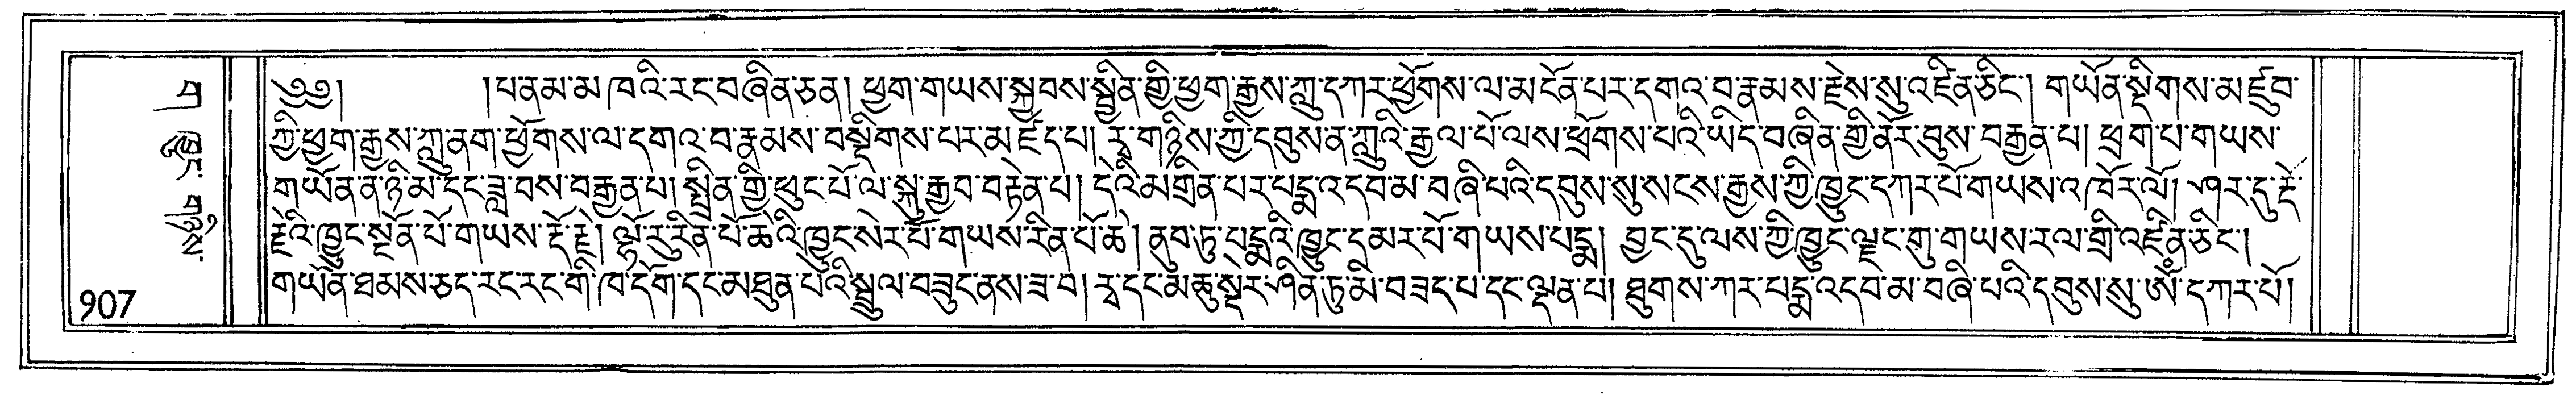༄༅། །པ་ནམ་མཁའི་རང་བཞིན་ཅན། ཕྱག་གཡས་སྐྱབས་སྦྱིན་གྱི་ཕྱག་རྒྱས་ཀླུ་དཀར་ཕྱོགས་ལ་མངོན་པར་དགའ་བ་རྣམས་རྗེས་སུ་འཛིན་ཅིང་། གཡོན་སྡིགས་མཛུབ་
ཀྱི་ཕྱག་རྒྱས་ཀླུ་ནག་ཕྱོགས་ལ་དགའ་བ་རྣམས་བསྡིགས་པར་མཛད་པ། རྭ་གཉིས་ཀྱི་དབུས་ན་ཀླུའི་རྒྱལ་པོ་ལས་ཕྲོགས་པའི་ཡིད་བཞིན་གྱི་ནོར་བུས་བརྒྱན་པ། ཕྲག་པ་གཡས་
གཡོན་ན་ཉི་མ་དང་ཟླ་བས་བརྒྱན་པ། སྤྲིན་གྱི་ཕུང་པོ་ལ་སྐུ་རྒྱབ་བརྟེན་པ། དེའི་མགྲིན་པར་པདམ་འདབ་མ་བཞི་པའི་དབུས་སུ་སངས་རྒྱས་ཀྱི་ཁྱུང་དཀར་པོ་གཡས་འཁོར་ལོ། ཤར་དུ་རྡོ་
རྗེའི་ཁྱུང་སྔོན་པོ་གཡས་རྡོ་རྗེ། ལྷོ་རུ་རིན་པོ་ཆེའི་ཁྱུང་སེར་པོ་གཡས་རིན་པོ་ཆེ། ནུབ་ཏུ་པདམའི་ཁྱུང་དམར་པོ་གཡས་པདམ། བྱང་དུ་ལས་ཀྱི་ཁྱུང་ལྗང་གུ་གཡས་རལ་གྲི་འཛིན་ཅིང་།
གཡོན་ཐམས་ཅད་རང་རང་གི་ཁ་དོག་དང་མཐུན་པའི་སྤྲུལ་བཟུང་ནས་ཟ་བ། རྭ་དང་མཆུ་སྡེར་ཤིན་ཏུ་མི་བཟད་པ་དང་ལྡན་པ། ཐུགས་ཀར་པདམ་འདབ་མ་བཞི་པའི་དབུས་སུ་ཨོཾ་དཀར་པོ།